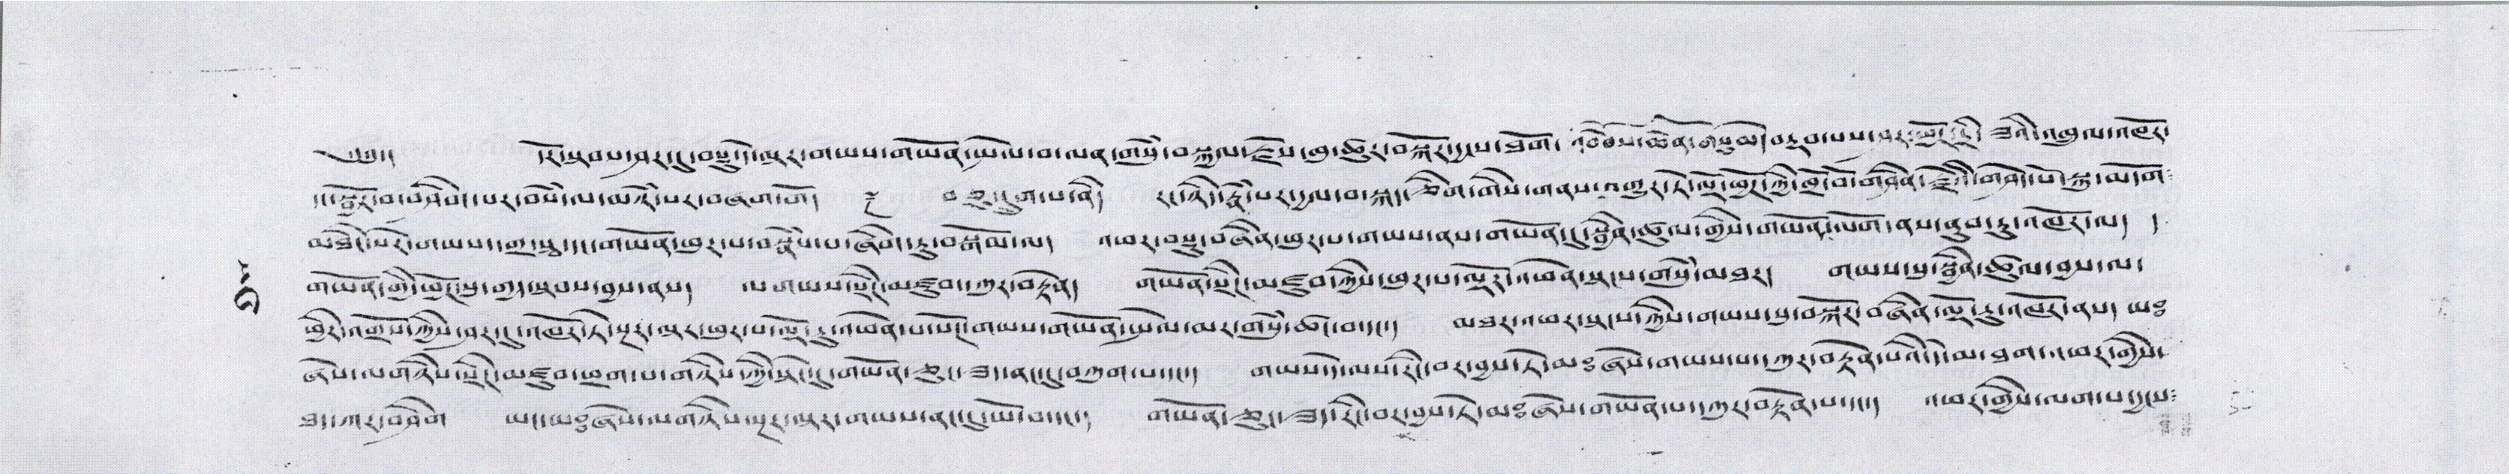དོར་སྟབས་ཤར་དུ་བསྡུ་དེ་ལྟར་གཡས་གཡོན་སྤེལ་བ་ལན་གསུམ་བསྐྱལ་རྗེས་ཁུ་ཚུར་བསྐོར་རྒྱངས་ཐོག་༼འབེབས་ཆེན་གསུམ་༽བརྡབ་པས་ཤར་ཕྱོགས་དྲི་ཟའི་འཁྲུལ་འཁོར་
དང་སྦྱོར་བ་བཤིག་པར་བསམ་ལ་མཉམ་པར་བཞག་གོ། ༧ བཅུ་དྲུག་པ་ནི། རང་ཉིད་རྣམ་པར་རྒྱལ་བ་སྐད་ཅིག་གིས་གནས་འགྱུར་ཏེ་ལྷོ་ཕྱོགས་ཀྱི་ཁྲོ་བོ་གཤིན་རྗེའི་གཤེད་པོ་སྐུ་མདོག་
མཐིང་སེར་གཡས་དགྲ་སྟ་དང་གཡོན་ཕུར་པ་བསྣམས་པ་ཞིག་ཏུ་བསྒོམ་ལ། འཕར་བསྡུ་བཞིན་ཕུར་པ་གཡས་ནས་གཡོན་དུ་སྦྱིན་ཚུལ་གྱིས་གཡོན་ལོག་ནས་ནུབ་ཏུ་འཁོར་ལ། 
གཡོན་གྱི་ཕྱོགས་སུ་གྱད་སྟབས་བྱས་ནས། ལག་གཡས་སྡིགས་མཛུབ་དཀུར་བརྟེན། གཡོན་སྡིགས་མཛུབ་ཀྱིས་ཕུར་པ་ལྷོར་འཕེན་སྟངས་གསུམ་མཐར། གཡས་སུ་སྦྱིན་ཚུལ་བྱས་ལ་
ཕྱིར་འགྲོས་ཀྱིས་ཤར་དུ་འཁོར་ཏེ་སྔར་ལྟར་ཕུར་པ་ལྷོ་རུ་འཕེན་པ་སོགས་གཡས་གཡོན་སྤེལ་མར་གསུམ་ཚང་བ་དང་། མཐར་འཕར་སྟངས་ཀྱིས་གཡས་སུ་བསྐོར་བཞིན་ལྷོ་རུ་འཁོར་བཞིན། ཡཿ
ཞེས་ལག་གཉིས་སྡིགས་མཛུབ་ཕྲག་པ་གཉིས་ཀྱི་སྟེང་དུ་གཡོན་ཅུང་ཟད་ནང་དུ་བཀུག་པ་དང་། གཡས་དེ་ལས་རིང་བར་བྱས་ཏེ་མཿཞེས་གཡས་པ་དཀུར་བརྟེན་པའི་དེ་མ་ཐག་འཕར་གྱིས་
ཐད་ཀར་བཤིག། ཡང་ཡཿཞེས་ལག་གཉིས་སྔར་ལྟར་གཡས་ནང་དུ་ཡོ་བ་དང་། གཡོན་ཅུང་ཟད་རིང་བར་བྱས་ཏེ་མཿཞེས་གཡོན་པ་དཀུར་བརྟེན་པ་དང་། འཕར་གྱིས་ལག་པ་རྒྱངས་